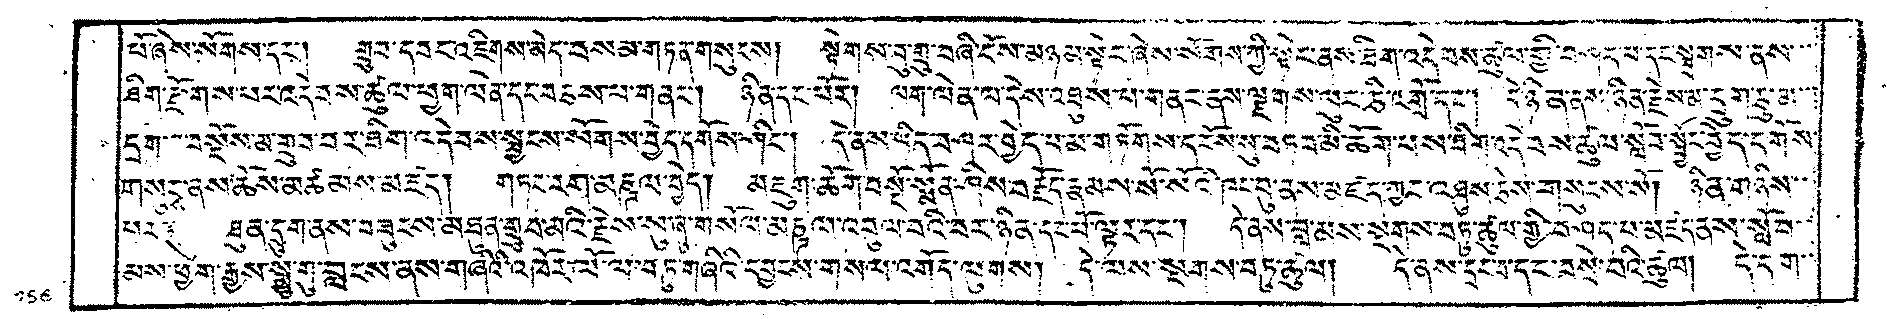པོ་ཞེས་སོགས་དང་། གྲུབ་དབང་འཇིགས་མེད་བསམ་གཏན་གསུངས། སྟེགས་བུ་གྲུ་བཞི་ངོས་མཉམ་སྟེང་ཞེས་སོགས་ཀྱི་སྟེང་ནས་ཐིག་འདེབས་ཚུལ་གྱི་བཤད་པ་དང་སྦྲགས་ནས་
ཐིག་རྫོགས་པར་འདེབས་ཚུལ་ཕྱག་ལེན་དང་བཅས་པ་གནང་། ཉིན་དང་པོར། ལག་ལེན་ལ་དེས་འཐུས་པ་གནང་ནས་ལྗགས་ལུང་ཅི་འགྲོ་དང་། དེ་ཉིན་ནས་ཉིན་རྗེས་མ་དྲུག་ཅུ་མ་
དྲག་བསྔོས་མ་གྲུབ་པར་ཐིག་འདེབས་སྦྱངས་སོགས་བྱེད་དགོས་ཤིང་། དེ་ནས་ཡིད་བཤར་བྱེད་པ་མ་གཏོགས་དངོས་སུ་བཏབ་མི་ཆོག་པས་ཐིག་འདེབས་ཚུལ་སློབ་སྦྱོང་བྱེད་དགོས་
གསུངས་ནས་ཆོས་མཚམས་མཛད། གཏང་རག་མཎྜལ་བྱེད། མཇུག་ཆོག་བསྔོ་སྨོན་ཤིས་བརྗོད་རྣམས་སོ་སོའི་ཁང་བུ་ནས་མཛད་ཀྱང་འཐུས་ཅེས་གསུངས་སོ། ཉིན་གཉིས་
པར༑ ཐུན་དྲུག་ནས་བཟུངས་མཐུན་གྲུབ་མའི་རྗེས་སུ་ཞུ་གསོལ་མཎྜལ་འབུལ་བའི་བར་ཉིན་དང་པོ་ལྟར་དང་། དེ་ནས་བླ་མས་སྔགས་བཏུ་ཚུལ་གྱི་བཤད་པ་མཛད་ནས་སློབ་
མས་ཕྱག་རྒྱས་སྨྱུ་གུ་བླངས་ནས་གཞིའི་འཁོར་ལོ་ལ་བཏུ་གཞིའི་དབྱངས་གསལ་འགོད་ལུགས། དེ་ལས་སྔགས་བཏུ་ཚུལ། དེ་ནས་དྲང་བ་དང་བསྲེ་བའི་ཚུལ། དེ་དག་